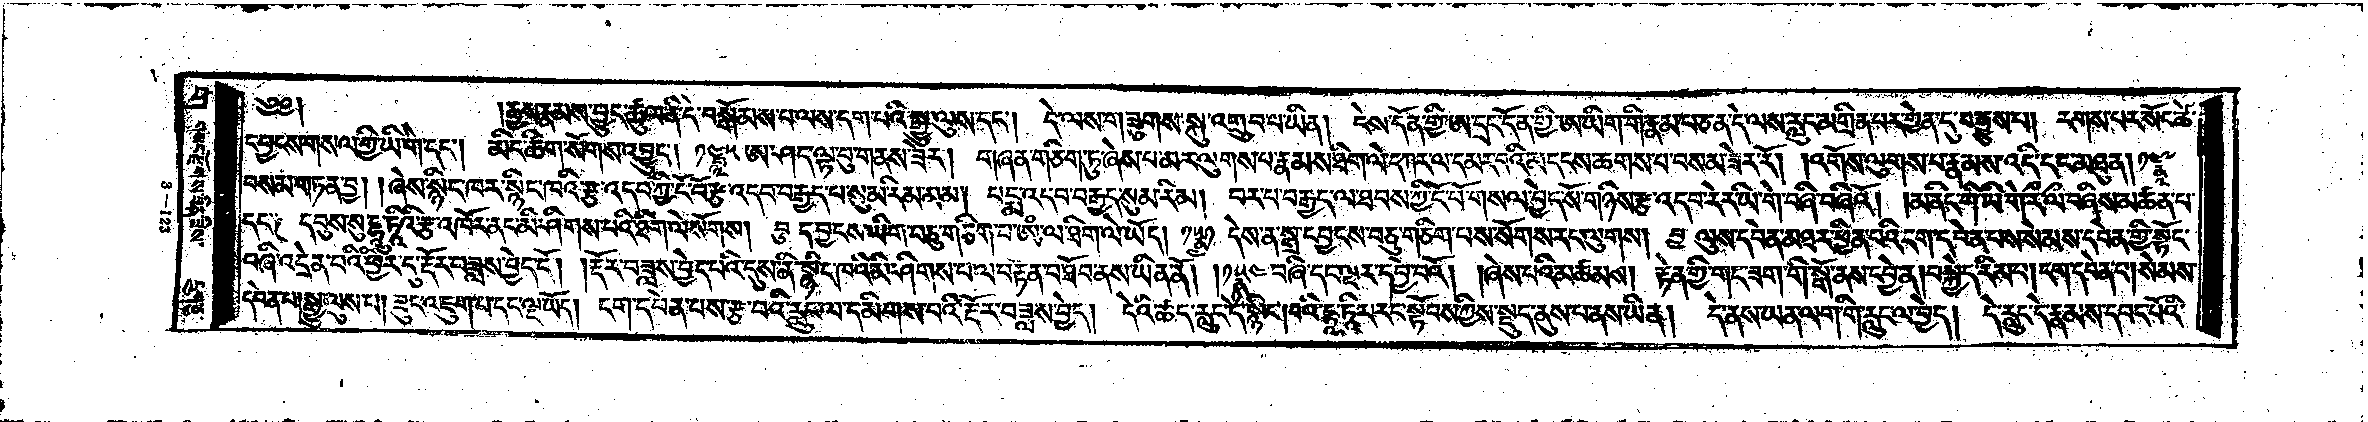༄༅། །རྒྱས་རྣམས་བྱུང་ཚུལ་ནི་དེ་བསྒོམས་པ་ལས་དག་པའི་སྒྱུ་ལུས་དང་། དེ་ལས་གཟུགས་སྐུ་འགྲུབ་པ་ཡིན། ངེས་དོན་གྱི་ཨ་དྲང་དོན་གྱི་ཨ་ཡིག་གི་རྣམ་པར་ན་དེ་ལས་རླུང་མགྲིན་པར་གྱེན་དུ་བརྒྱུས་པ། རགས་པར་སོང་ཚེ་
དབྱངས་གསལ་གྱི་ཡི་གེ་དང་། མིང་ཚིག་སོགས་འབྱུང་། ༡༤བ༣༥་ཨ་ཤད་ལྟ་བུ་གནས་ཟེར། གཞན་གཅིག་ཏུ་ཞེས་པ་མར་ལུགས་པ་རྣམས་ཐིག་ལེ་དཀར་ལ་དམར་བའི་མདངས་ཆགས་པ་བསམ་ཟེར་རོ། །འགོས་ལུགས་པ་རྣམས་འདི་དང་མཐུན། ༡༤ན༢༧
བསམ་གཏན་བྱ། །ཞེས་སྙིང་ཁར་སྙིང་ཁའི་རྩ་འདབ་ཀྱི་ངོ་བོ་རྩ་འདབ་བརྒྱད་པ་སུམ་རིམ་མ། པདམ་འདབ་བརྒྱད་སུམ་རིམ། བར་པ་བརྒྱད་ལ་ཐབས་ཀྱི་ངོ་བོ་གསལ་བྱེད་སོ་གཉིས་རྩ་འདབ་རེར་ཡི་གེ་བཞི་བཞིའོ། །མ་ནིང་གི་ཡི་གེ་རྀ་ལྀ་བཞི་ས་མཚན་པ་
དང༑ དབུས་སུ་དྷུ་ཏཱིའི་རྩེ་འཁོར་ནང་མི་ཤིགས་པའི་ཐིག་ལེ་སོགས། བ༦་དབྱངས་ཡིག་བཅུ་གཅིག་པ་ཨ྾་ལ་ཐིག་ལེ་ཡོད། ༡༥ན༤༡་དེས་ན་སྒྲ་དབྱངས་བཅུ་གཅིག་པས་སོགས་རང་ལུགས། བ༤་ལུས་དབེན་མཐར་ཕྱིན་པའི་ངག་དབྱེན་པས་སེམས་དབེན་གྱི་སྟོང་
བཞི་འདྲེན་པའི་ཕྱིར་དུ་རྔོར་བཟླས་བྱེད་དོ། །རྡོར་བཟླས་བྱེད་པའི་དུས་ནི་སྙིང་ཁའི་མི་ཤིགས་པ་ལ་བརྟེན་པ་ཐོབ་ནས་ཡིན་ནོ། །༡༥ན༡༤་བཞི་དང་ལྔ་དབྱེ་བའོ། །ཞེས་པའི་མཚམས། རྟེན་གྱི་གང་ཟག་གིས་གོ་ནས་དབྱེ་ན། བསྐྱེད་རིམ་པ། དག་དབེན་པ། སེམས་
དབེན་པ། སྒྱུ་ལུས་པ། ཟུང་འཇུག་པ་དང་ལྔ་ཡོད། དག་དབེན་པས་རྩ་བའི་རླུང་ལ་དམིགས་པའི་རྡོར་བཟླས་བྱེད། དེའི་ཚད་རླུང་དེ་སྙིང་ཁའི་ཏཱིར་རང་སྟོབས་ཀྱིས་སྡུད་ནུས་པ་ནས་ཡིན། དེ་ནས་ཡན་ལག་གི་རླུང་ལ་བྱེད། དེ་རླུང་དེ་རྣམས་དབང་པོའི་